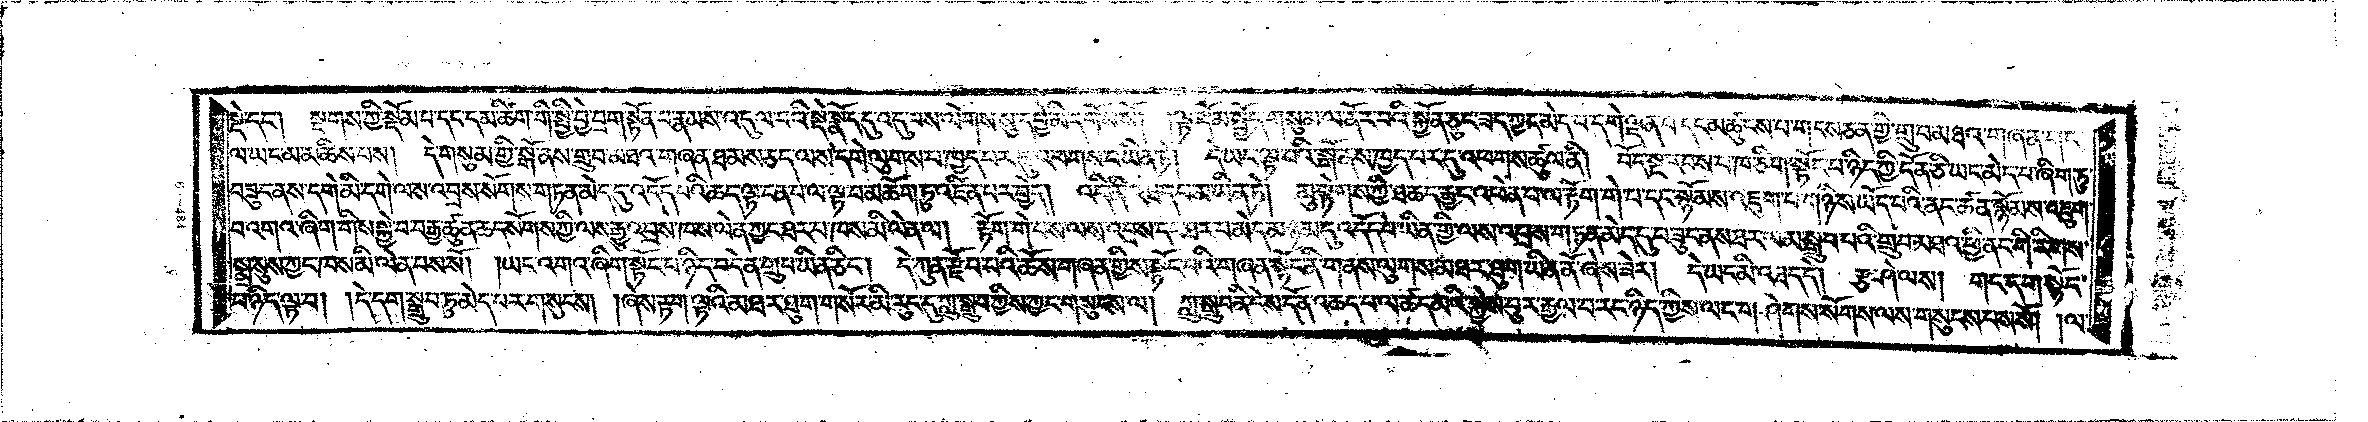སྡེ་དང་། སྔགས་ཀྱི་སྡོམ་པ་དང་དམ་ཚིག་གི་སྤྱི་བྱེ་བྲག་སྟོན་པ་རྣམས་འདུལ་བའི་སྡེ་སྣོད་དུ་འདུ་བས་ལོགས་སུ་དབྱེ་མི་དགོས་སོ། །ལྟ་སྒོམ་སྤྱོད་གསུམ་ལ་ནོར་བའི་སྐྱོན་ཅུང་ཟད་ཀྱང་མེད་པ་དགེ་ལྡན་པ་དང་མཚུངས་པ་གངས་ཅན་གྱི་གྲུབ་མཐའ་གཞན་གང་
ལ་ཡང་མ་མཆིས་པས། དེ་གསུམ་གྱི་སྒོ་ནས་གྲུབ་མཐའ་གཞན་ཐམས་ཅད་ལས་དགེ་ལུགས་པ་ཁྱད་པར་དུ་འཕགས་བ་ཡིན་ཏེ། དེ་ཡང་ལྟ་བའི་སྒོ་ནས་ཁྱད་པར་དུ་འཕགས་ཚུལ་ནི། བོད་སྔ་རབས་པ་ཁ་ཅིག་སྟོང་པ་ཉིད་ཀྱི་དོན་ཅི་ཡང་མེད་པ་ཞིག་ཏུ་
བཟུང་ནས་དགེ་མི་དགེ་ལས་འབྲས་སོགས་གཏན་མེད་དུ་འདོད་པའི་ཆད་ལྟ་ངན་པ་ལ་ལྟ་བ་མཆོག་ཏུ་འཛིན་པར་བྱེད། འདི་ནི་འཐད་པ་མ་ཡིན་ཏེ། མུ་སྟེགས་ཀྱི་ཐ་ཆད་རྒྱང་འཕེན་པ་ལ་རྟོག་གེ་བ་དང་སྙོམས་འཇུག་པ་གཉིས་ཡོད་པའི་ནང་ཚན་སྙོམས་འཇུག་
བ་འགའ་ཞིག་གིས་སྐྱེ་བ་བརྒྱ་ཚུན་ཆད་སོགས་ཀྱི་ལས་རྒྱུ་འབྲས་ཁས་ལེན་ཀྱང་ཐར་པ་ཁས་མི་ལེན་ལ། རྟོག་གེ་བས་ལས་འབྲས་དང་ཐར་པ་མེད་མཉམ་དུ་འདོད་པ་ཡིན་གྱི་ལས་འབྲས་གཏན་མེད་དུ་བཟུང་ནས་ཐར་ལམ་སྒྲུབ་པའི་གྲུབ་མཐའ་ཕྱི་ནང་གི་རིགས་
སྨྲ་སུས་ཀྱང་ཁས་མི་ལེན་པས་སོ། །ཡང་འགའ་ཞིག་སྟོང་པ་ཉིད་བདེན་གྲུབ་ཡིན་ཅིང་། དེ་ཀུན་རྫོབ་པའི་ཆོས་གཞན་གྱིས་སྟོང་པའི་གཞན་སྟོང་ནི་གནས་ལུགས་མཐར་ཐུག་ཡིན་ནོ་ཞེས་ཟེར། དེ་ཡང་མི་འཐད་དེ། རྩ་ཤེ་ལས། གང་དག་སྟོང་
བ་ཉིད་ལྟ་བ། །དེ་དག་སྒྲུབ་ཏུ་མེད་པར་གསུངས། །ཞེས་རྟག་ལྟའི་མཐར་ཐུག་གསོར་མི་རུང་དུ་ཀླུ་སྒྲུབ་ཀྱིས་ཀྱང་གསུངས་ལ། ཀླུ་སྒྲུབ་ནི་ངེས་དོན་འཆད་པ་ལ་ཚད་མའི་སྐྱེས་བུར་རྒྱལ་བ་རང་ཉིད་ཀྱིས་ལང་གཤེགས་སོགས་ལས་གསུངས་པས་སོ། །ལ་